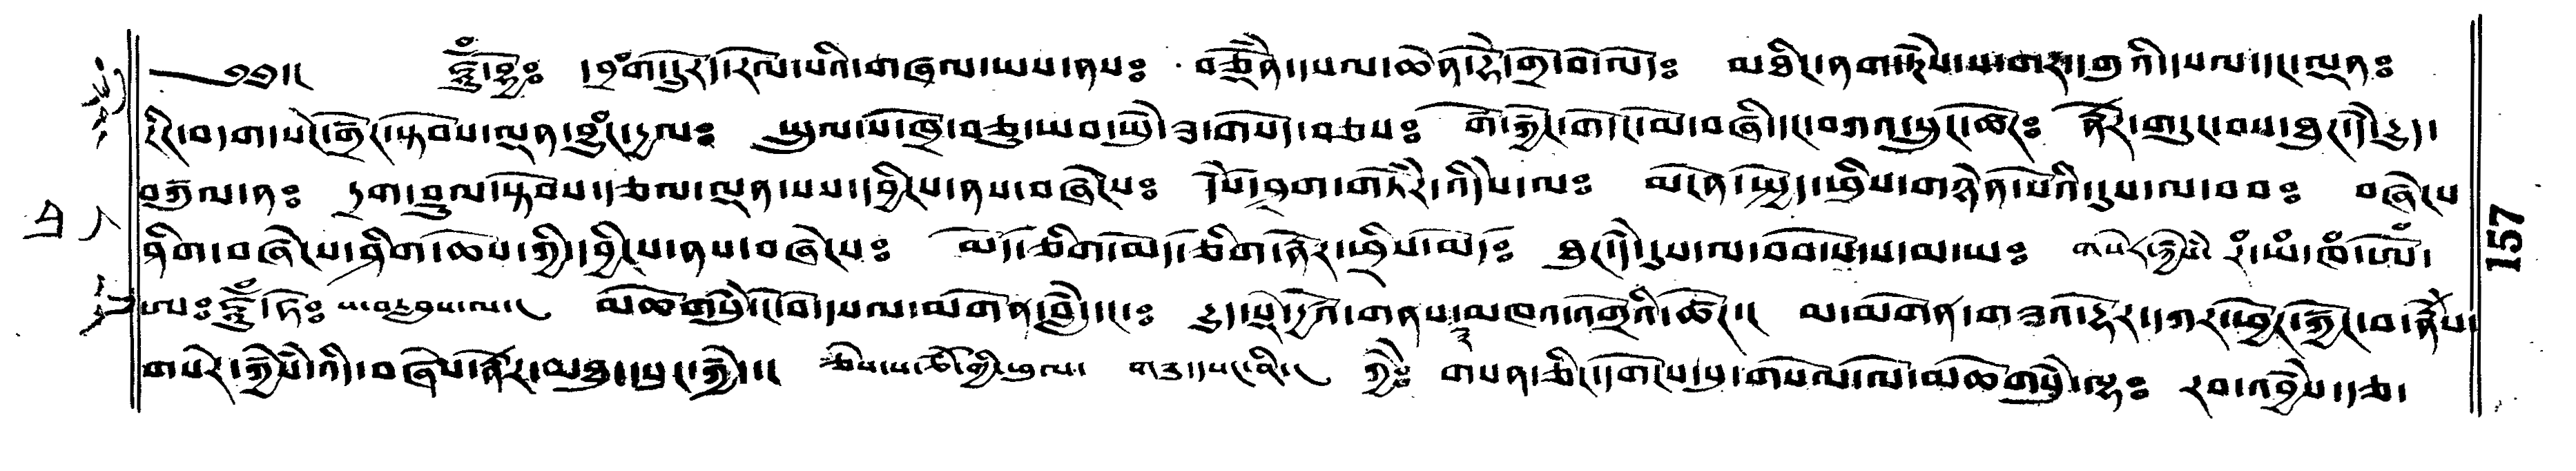ཧཱུྃ་བྷྱོ༔ དབང་དྲག་དུར་ཁྲོད་རོལ་པའི་གཞལ་ཡས་ནས༔ བཅོམ་ལྡན་དཔལ་ཆེན་རྡོ་རྗེ་གྲོ་བོ་ལོད༔ མཐིང་ནག་རྔམ་པ་གར་དགུའི་དཔལ་དང་ལྡན༔ 
རིགས་བདག་སེང་སྒྲོག་སྟོབས་ལྡན་བྱང་ཆུབ་རྒྱལ༔ སྤྲུལ་པ་ཁྲོ་བཅུ་ཡབ་ཡུམ་ཟ་གསོད་བཅས༔ སྒོ་སྐྱོང་གདོང་མོ་བཞི་དང་བཀའ་སྲུང་ཚོགས༔ རྣལ་འབྱོར་གདུང་བས་ཐུགས་དམ་རྒྱུད་
བསྐུལ་ན༔ དྲག་ཤུལ་སྟོབས་རྩལ་ལྡན་པས་དབྱིངས་ནས་བཞེངས༔ དམ་རྫས་ཤ་ཁྲག་གཏོར་མ་འདི་བཞེས་ལ༔ མངོན་སྤྱོད་ཕྲིན་ལས་གཉེན་པོའི་དུས་ལ་བབ༔ བཞེངས་
ཤིག་བཞེངས་ཤིག་ཆོས་ཀྱི་དབྱིངས་ནས་བཞེངས༔ མཛོད་ཅིག་མཛོད་ཅིག་རྣལ་འབྱོར་ཕྲིན་ལས་མཛོད༔ ཐུགས་དམ་དུས་ལ་བབ་པོ་ས་མ་ཡ༔ གསེར་སྐྱེམས་། རཾ་ཡཾ་ཁཾ་ཨོཾ་
ཨ༔ཧཱུྃ་ཧོ༔ ས་བརླབས་ལ ། མཆོག་གསུམ་ངོ་བོ་དཔལ་མགོན་བླ་མ་དང་། རྒྱུད་སྡེ་རྒྱ་མཚོ་གནས་གསུམ་མཁའ་འགྲོའི་ཚོགས། མ་མགོན་གཟའ་རྡོར་དཀར་ཕྱོགས་སྐྱོང་བ་རྣམས། 
གསེར་སྐྱེམས་འདི་བཞེས་རྣལ་འབྱོར་མཐུ་དཔུང་སྐྱེད། ཅེས་པ་ཙམ་གྱིས་ཕུལ། གཟུ་དཔང་ནི། ཀྱཻ༔ གསན་ཅིང་དགོངས་སུ་གསོལ་ལོ་མཆོག་གསུམ་ལྷ༔ རབ་འབྱམས་རྩ་